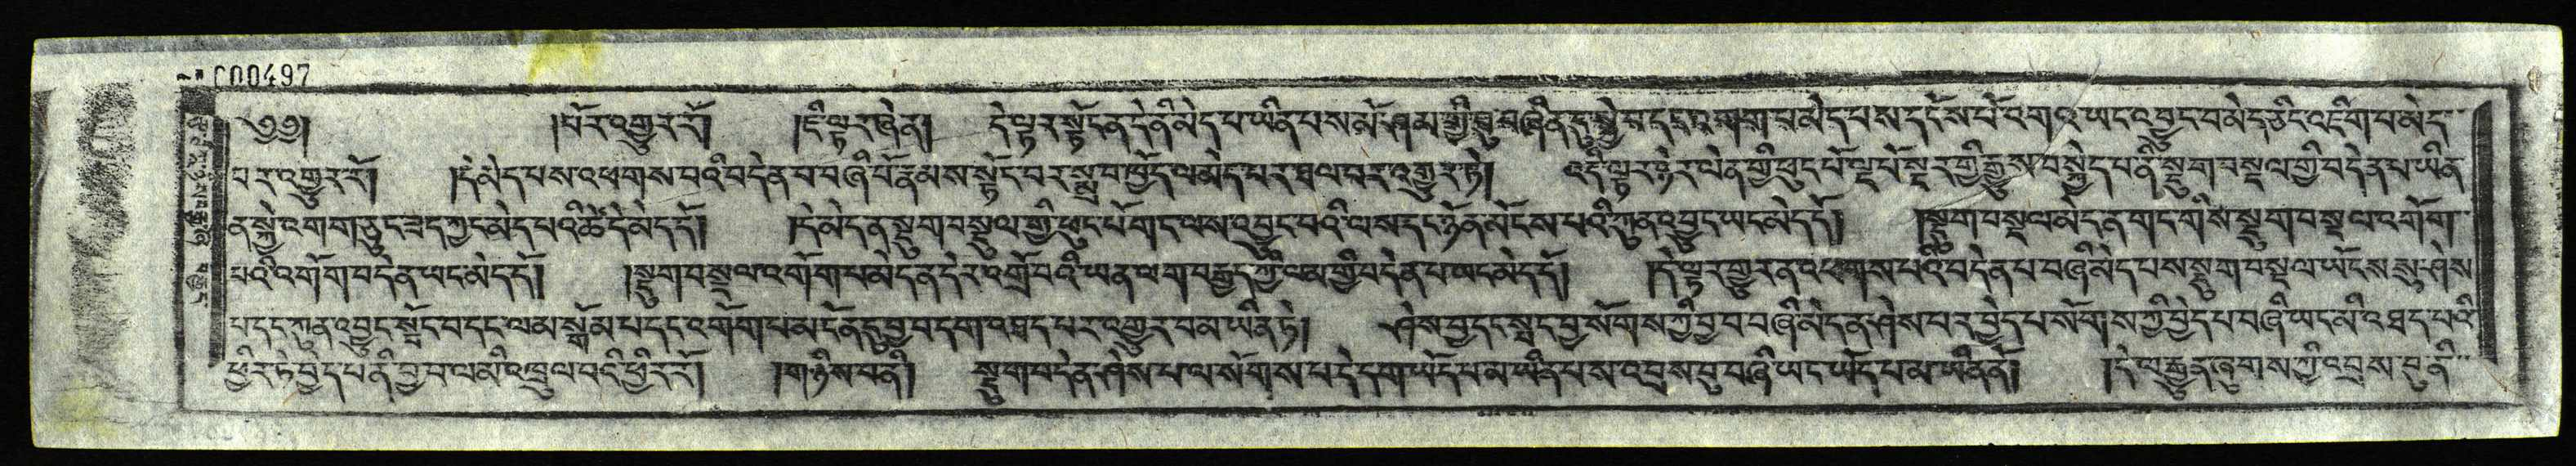༄༅། །པོར་འགྱུར་རོ། །ཇི་ལྟར་ཞེ་ན། དེ་ལྟར་སྟོང་ན་དེ་ནི་མེད་པ་ཡིན་པས་མོ་ཤམ་གྱི་བུ་བཞིན་དུ་སྐྱེ་བ་དང་འགག་པ་མེད་པས་དངོས་པོ་འགའ་ཡང་འབྱུང་བ་མེད་ཅིང་འཇིག་པ་མེད་
པར་འགྱུར་རོ། །དེ་མེད་པས་འཕགས་པའི་བདེན་པ་བཞི་པོ་རྣམས་སྟོང་པར་སྨྲ་བ་ཁྱོད་ལ་མེད་པར་ཐལ་བར་འགྱུར་ཏེ། འདི་ལྟར་ཉེར་ལེན་གྱི་ཕུང་པོ་ལྔ་པོ་སྔར་གྱི་རྒྱུས་བསྐྱེད་པ་ནི་སྡུག་བསྔལ་གྱི་བདེན་པ་ཡིན་
ན་སྐྱེ་འགག་ཅུང་ཟད་ཀྱང་མེད་པའི་ཚེ་དེ་མེད་དོ། །དེ་མེད་ན་སྡུག་བསྔལ་གྱི་ཕུང་པོ་གང་ལས་འབྱུང་བའི་ལས་དང་ཉོན་མོངས་པའི་ཀུན་འབྱུང་ཡང་མེད་དོ། །སྡུག་བསྔལ་མེད་ན་གང་གིས་སྡུག་བསྔལ་འགོག་
པའི་འགོག་བདེན་ཡང་མེད་དོ། །སྡུག་བསྔལ་འགོག་པ་མེད་ན་དེར་འགྲོ་བའི་ཡན་ལག་བརྒྱད་ཀྱི་ལམ་གྱི་བདེན་པ་ཡང་མེད་དོ། །དེ་ལྟར་གྱུར་ན་འཕགས་པའི་བདེན་པ་བཞི་མེད་པས་སྡུག་བསྔལ་ཡོངས་སུ་ཤེས་
པ་དང་ཀུན་འབྱུང་སྤོང་བ་དང་ལམ་སྒོམ་པ་དང་འགོག་པ་མངོན་དུ་བྱ་བ་དག་འཐད་པར་འགྱུར་བ་མ་ཡིན་ཏེ། ཤེས་བྱ་དང་སྤང་བྱ་སོགས་ཀྱི་བྱ་བ་བཞི་མེད་ན་ཤེས་པར་བྱེད་པ་སོགས་ཀྱི་བྱེད་པ་བཞི་ཡང་མི་འཐད་པའི་
ཕྱིར་ཏེ་བྱེད་པ་ནི་བྱ་བ་ལ་མི་འཁྲུལ་བའི་ཕྱིར་རོ། །གཉིས་པ་ནི། སྡུག་བདེན་ཤེས་པ་ལ་སོགས་པ་དེ་དག་ཡོད་པ་མ་ཡིན་པས་འབྲས་བུ་བཞི་ཡང་ཡོད་པ་མ་ཡིན་ནོ། །དེ་ལ་རྒྱུན་ཞུགས་ཀྱི་འབྲས་བུ་ནི་